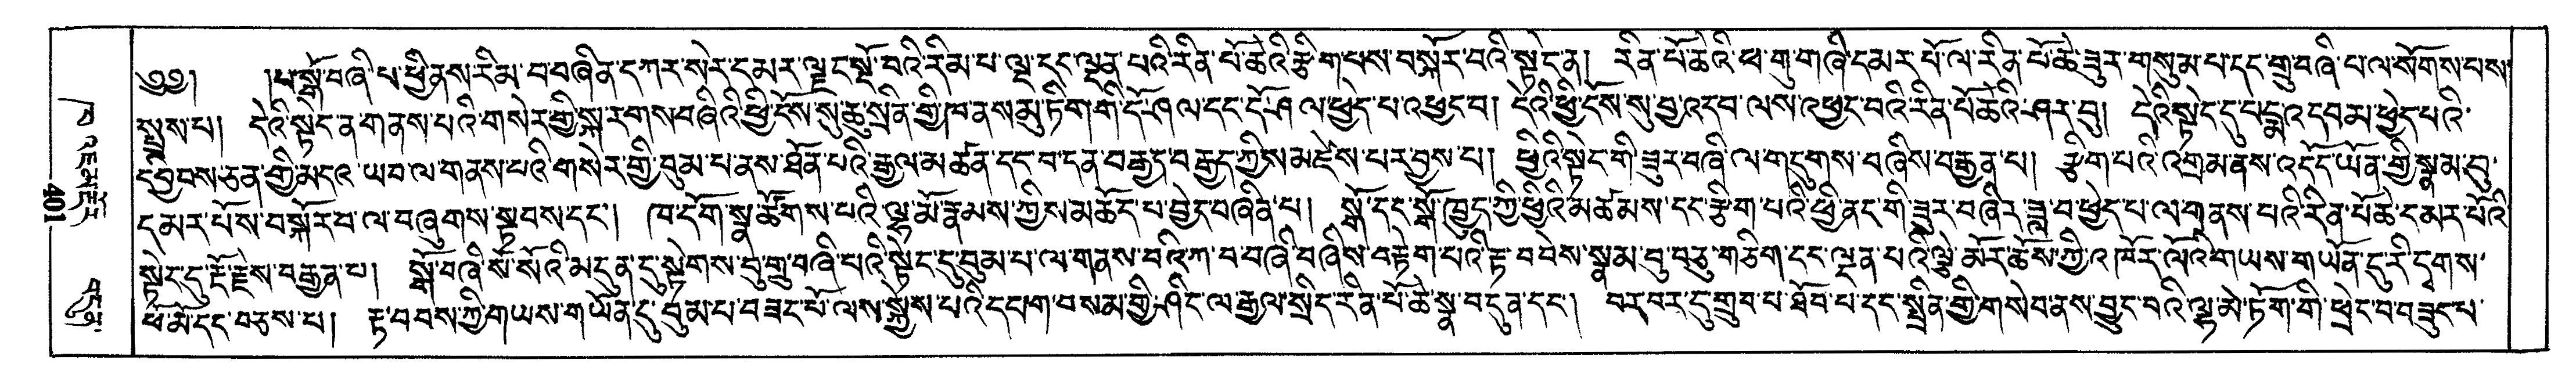༄༅། །པ་སྒོ་བཞི་པ་ཕྱི་ནས་རིམ་པ་བཞིན་དཀར་སེར་དམར་ལྗང་སྔོ་བའི་རིམ་པ་ལྔ་དང་ལྡན་པའི་རིན་པོ་ཆེའི་རྩིག་པས་བསྐོར་བའི་སྟེང་ན། རིན་པོ་ཆེའི་ཕ་གུ་གཞི་དམར་པོ་ལ་རིན་པོ་ཆེ་ཟུར་གསུམ་པ་དང་གྲུ་བཞི་པ་ལ་སོགས་པས་
སྤྲས་པ། དེའི་སྟེང་ན་གནས་པའི་གསེར་གྱི་སྐ་རགས་བཞིའི་ཕྱི་ངོས་སུ་ཆུ་སྲིན་གྱི་ཁ་ནས་མུ་ཏིག་གི་དོ་ཤལ་དང་དོ་ཤལ་ཕྱེད་པ་འཕྱང་བ། དའི་ཕྱི་ངོས་སུ་བྱ་འདབ་ལས་འཕྱང་བའི་རིན་པོ་ཆེའི་ཤར་བུ། དེའི་སྟེང་དུ་པདམ་འདབ་མ་ཕྱེང་པའི་
དབྱིབས་ཅན་གྱི་མདའ་ཡབ་ལ་གནས་པའི་གསེར་གྱི་བུམ་པ་ནས་ཐོན་པའི་རྒྱལ་མཚན་དང་བདན་བརྒྱད་བརྒྱད་ཀྱིས་མཛེས་པར་བྱས་པ། ཕྱིའི་སྟེང་གི་ཟུར་བཞི་ལ་གདུགས་བཞིས་བརྒྱན་པ། རྩིག་པའི་འགྲམ་ནས་འདོད་ཡོན་གྱི་སྣམ་བུ་
དམར་པོས་བསྐོར་བ་ལ་བཞུགས་སྟབས་དང་། ཁ་དོག་སྣ་ཚོགས་པའི་ལྷ་མོ་རྣམས་ཀྱིས་མཆོད་པ་བྱེད་བཞིན་པ། སྒོ་དང་སྒོ་ཁྱུད་ཀྱི་ཕྱིའི་མཚམས་དང་རྩིག་པའི་ཕྱི་ནང་གི་ཟུར་བཞིར་ཟླ་བ་ཕྱེད་པ་ལ་གནས་པའི་རིན་པོ་ཆེ་དམར་པོའི་
སྟེང་དུ་རྡོ་རྗེས་བརྒྱན་པ། སྒོ་བཞི་སོ་སོའི་མདུན་དུ་སྟེགས་བུ་གྲུ་བཞི་པའི་སྟེང་དུ་བུམ་པ་ལ་གནས་པའི་ཀ་བ་བཞི་བཞིས་བཏེག་པའི་རྟ་བབས་སྣམ་བུ་བཅུ་གཅིག་དང་ལྡན་པའི་རྩེ་མོར་ཆོས་ཀྱི་འཁོར་ལོའི་གཡས་གཡོན་དུ་རི་དྭགས་
ཕོ་མོ་དང་བཅས་པ། རྟ་བབས་ཀྱི་གཡས་གཡོན་དུ་བུམ་པ་བཟང་པོ་ལས་སྐྱེས་པའི་དཔག་བསམ་གྱི་ཤིང་ལ་རྒྱལ་སྲིད་རིན་པོ་ཆེ་སྣ་བདུན་དང་། བར་བར་དུ་གྲུབ་པ་ཐོབ་པ་དང་སྤྲིན་གྱི་གསེབ་ནས་བྱུང་བའི་ལྷ་མེ་ཏོག་གི་ཕྲེང་བ་བཟུང་བ་